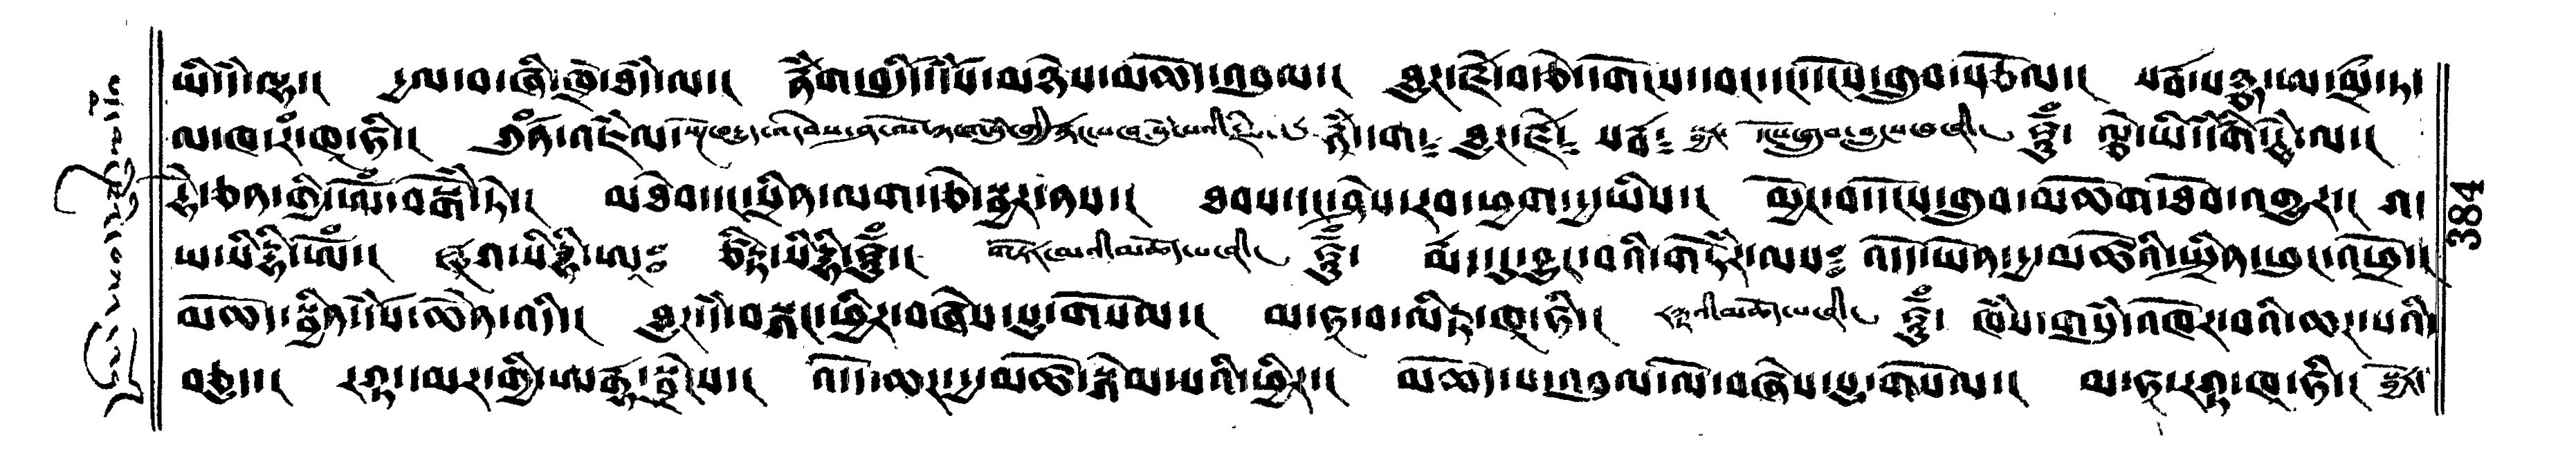ཡི་དམ་ལྷ། །རྒྱལ་བ་ཞི་ཁྲོ་ཐམས་ཅད་ལ། །རྣམ་དག་བདུད་རྩི་དམ་རྫས་མཉེས་མཆོད་འབུལ། །ཐུགས་རྗེ་བརྩེ་དགོངས་དབང་དང་དངོས་གྲུབ་རྩོལ། སརྦ་པཉྩ་ཨ་མྲྀ་ཏ་ལ་
ཁ་རཾ་ཁཱ་ཧི། ཀུན་བཟང་འཇམ་དཔལ༴ སོགས་བརྒྱུད་འདེབས་ཤྭ་ལོ་ཀ་གསུམ་གྱི་རྐང་པ་གསུམ་པའི་རྗེས། རྣམ་དག༴ ཐུགས་རྗེ༴ སརྦ༴ སྦྱར། དངོས་གྲུབ་བླངས་བ་ནི། ཧཱུྃ། ལྕེ་ཡི་དམ་ཚིག་རྡོ་རྗེ་ལ། །
རྡོ་རྗེ་ཅན་གྱི་ཨོཾ་བསྒོམ་ཏེ། །མཐེབ་དང་སྲིན་ལག་རྩེ་སྦྱར་ནས། །ཐབས་དང་ཤེས་རབ་ཕྱག་རྒྱ་ཡིས། །མྱོང་བ་དངོས་གྲུབ་མཆོག་ཐོབ་འགྱུར།ཀ་
ཡ་སིདྡྷི་ཨོཾ། ཝཱཀྐ་སིདྡྷི་ཨཱཿ ཙིཏྟ་སིདྡྷི་ཧཱུྃ། གཏོར་མའི་མཆོད་པ་ནི། ཧཱུྃ། རྨད་དུ་བྱུང་བའི་གཏོར་མ་ལས། །འདོད་ཡོན་རྒྱ་མཚོའི་སྤྲིན་ཕུང་འཕྲོ། །
མཆོད་སྦྱིན་དམ་རྫས་ཆེན་པོ་འདི། །ཐུགས་དམ་བསྐང་ཕྱིར་བཞེས་སུ་གསོལ། མ་ཧཱ་བ་ལིངྟ་ཁཱ་ཧི། རཀྟའི་མཆོད་པ་ནི། ཧཱུྃ། ཁམས་གསུམ་འཁོར་བའི་ཆགས་པའི་
བཅུད། །རཀྟ་དམར་གྱི་ཨརྒྷཾ་སྦྲེངས། །འདོད་ཆགས་རྒྱ་མཚོ་སྐེམ་པའི་ཕྱིར། །མཆོད་པ་འབུལ་ལོ་བཞེས་སུ་གསོལ། མ་ཧཱ་རཀྟ་ཁཱ་ཧི། སྦྱོར་